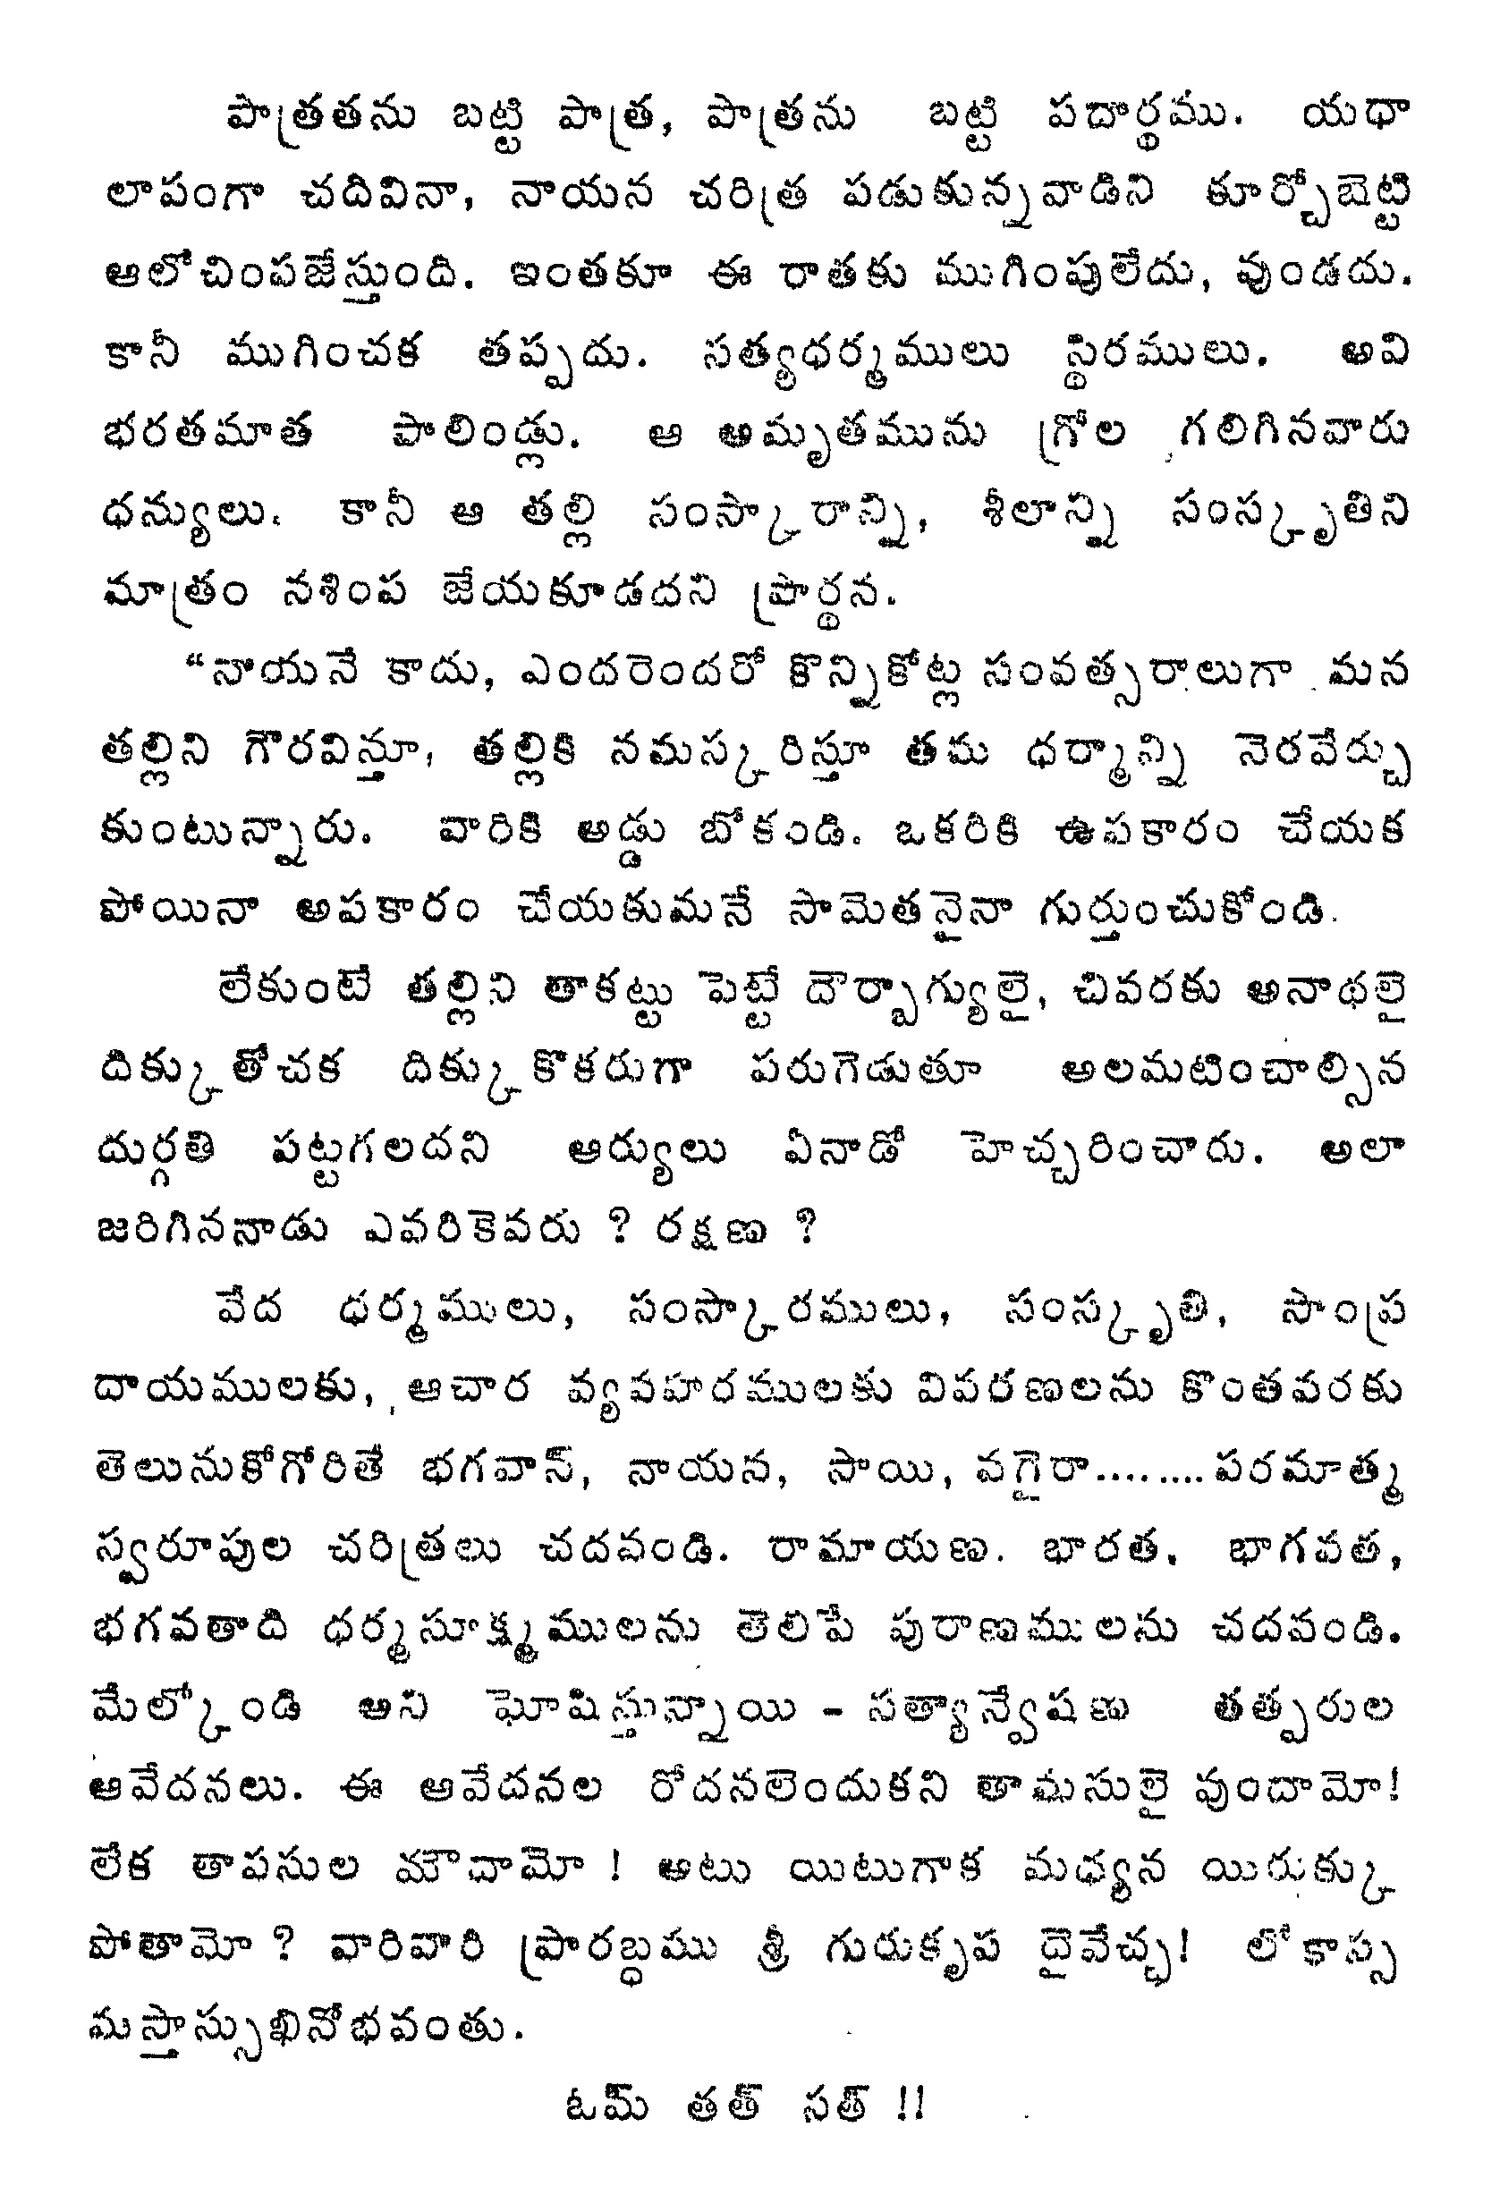పాత్రతను బట్టి పాత్ర, పాత్రను బట్టి పదార్థము. యధాలాపంగా చదివినా, నాయన చరిత్ర పడుకున్నవాడిని కూర్చోబెట్టి ఆలోచింపజేస్తుంది. ఇంతకూ ఈ రాతకు ముగింపులేదు, వుండదు. కానీ ముగించక తప్పదు. సత్యధర్మములు స్థిరములు. అవి భారతమాత పాలిండ్లు. ఆ అమృతమును గ్రోల గలిగినవారు ధన్యులు. కానీ ఆ తల్లి సంస్కారాన్ని, శీలాన్ని సంస్కృతిని మాత్రం నశింప జేయకూడదని ప్రార్థన.

"నాయనే కాదు, ఎందరెందరో కొన్నికోట్ల సంవత్సరాలుగా మన తల్లిని గౌరవిస్తూ, తల్లికి నమస్కరిస్తూ తమ ధర్మాన్ని నెరవేర్చు కుంటున్నారు. వారికి అడ్డు బోకండి. ఒకరికి ఉపకారం చేయక పోయినా అపకారం చేయకుమనే సామెతనైనా గుర్తుంచుకోండి.

లేకుంటే తల్లిని తాకట్టు పెట్టే దౌర్బాగ్యులై, చివరకు అనాథలై దిక్కు తోచక దిక్కు కొకరుగా పరుగెడుతూ అలమటించాల్సిన దుర్గతి పట్టగలదని ఆర్యులు ఏనాడో హెచ్చరించారు. అలా జరిగిననాడు ఎవరికెవరు ? రక్షణ ?

వేద ధర్మములు, సంస్కారములు, సంస్కృతి, సాంప్రదాయములకు, ఆచార వ్యవహారములకు వివరణలను కొంతవరకు తెలుసుకోగోరితే భగవాన్, నాయన, సాయి, వగైరా......... పరమాత్మ స్వరూపుల చరిత్రలు చదవండి. రామాయాణ, భారత, భాగవత, భగవతాది ధర్మసూక్ష్మములను తెలిపే పురాణములను చదవండి. మేల్కొండి అని ఘోషిస్తున్నాయి - సత్యాన్వేషణ తత్పరుల ఆవేదనలు. ఈ ఆవేదనల రోదనలెందుకని తామసులై వుందామో ! లేక తాపసుల మౌదామో ! అటు యిటుగాక మధ్యన యిరుక్కు పోతామో ? వారివారి ప్రారబ్దము శ్రీ గురుకృప దైవేచ్ఛ! లోకాస్సమస్తాస్సుఖినోభవంతు.